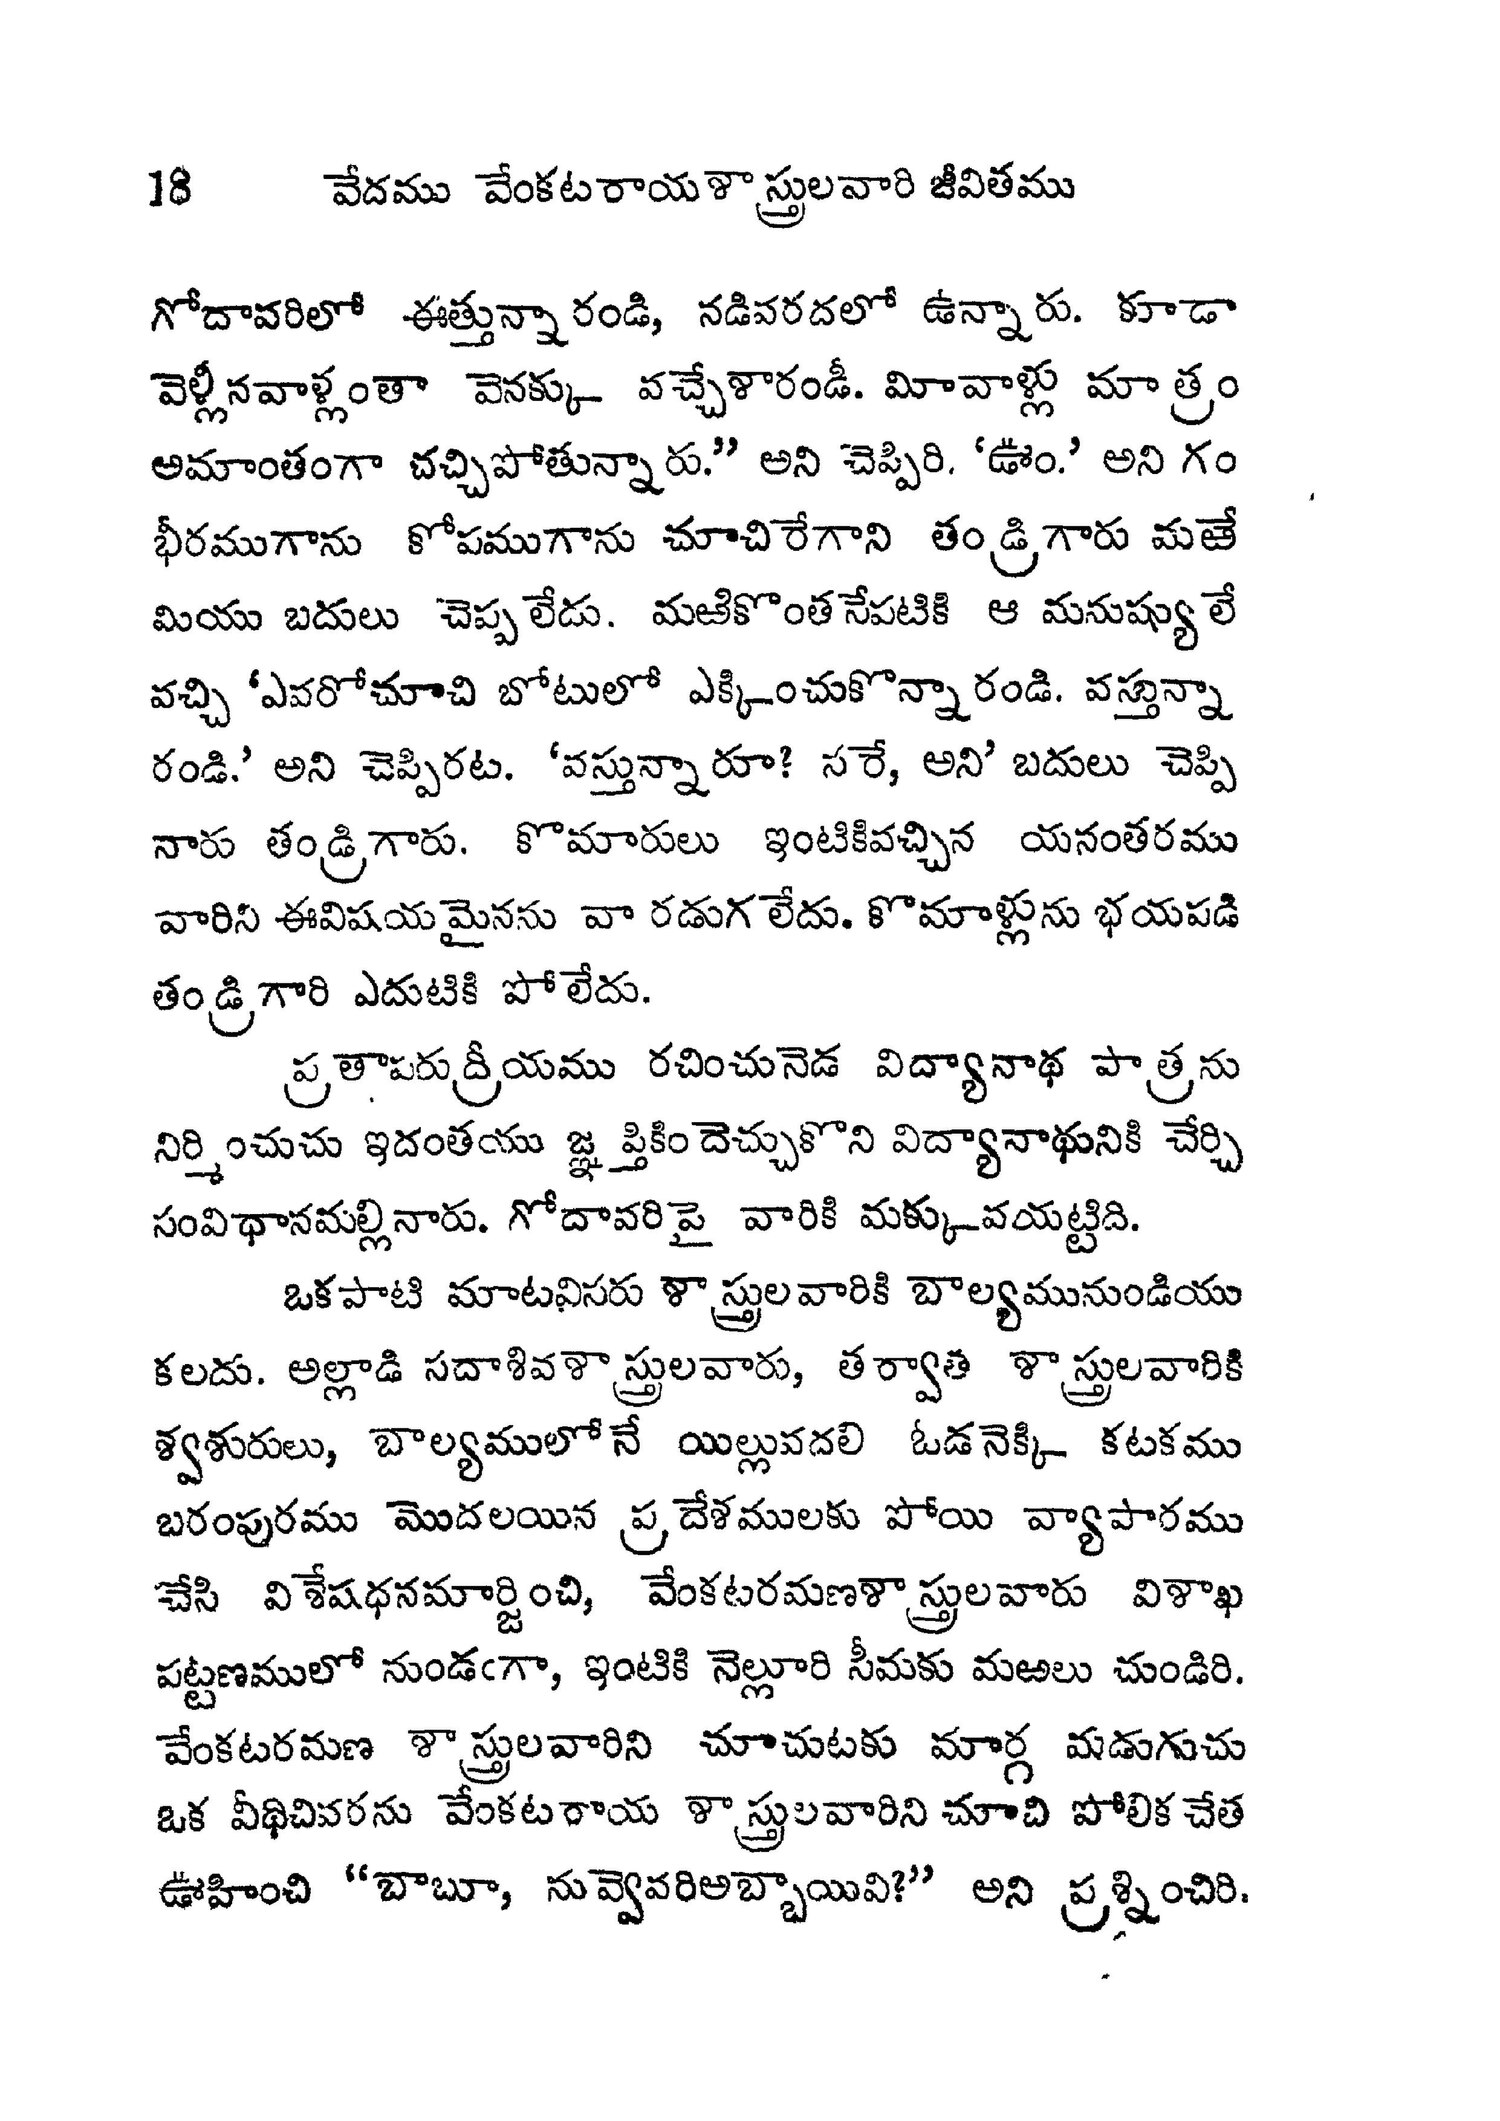గోదావరిలో ఈత్తున్నారండి, నడివరదలో ఉన్నారు. కూడా వెళ్లినవాళ్లంతా వెనక్కు వచ్చేశారండీ. మీవాళ్లు మాత్రం అమాంతంగా చచ్చిపోతున్నారు." అని చెప్పిరి. 'ఊం' అని గంభీరముగాను కోపముగాను చూచిరేగాని తండ్రిగారు మఱేమియు బదులు చెప్పలేదు. మఱికొంతసేపటికి ఆ మనుష్యులే వచ్చి 'ఎవరోచూచి బోటులో ఎక్కించుకొన్నారండి. వస్తున్నారండి.' అని చెప్పిరట. 'వస్తున్నారూ? సరే, అని' బదులు చెప్పినారు తండ్రిగారు. కొమారులు ఇంటికివచ్చిన యనంతరము వారిని ఈవిషయమైనను వా రడుగలేదు. కొమాళ్లును భయపడి తండ్రిగారి ఎదుటికి పోలేదు.

ప్రతాపరుద్రీయము రచించునెడ విద్యానాథ పాత్రను నిర్మించుచు ఇదంతయు జ్ఞప్తికిందెచ్చుకొని విద్యానాథునికి చేర్చి సంవిథానమల్లినారు. గోదావరిపై వారికి మక్కువ యట్టిది.

ఒకపాటి మాటవిసరు శాస్త్రులవారికి బాల్యమునుండియు కలదు. అల్లాడి సదాశివశాస్త్రులవారు, తర్వాత శాస్త్రులవారికి శ్వశురులు, బాల్యములోనే యిల్లువదలి ఓడనెక్కి కటకము బరంపురము మొదలయిన ప్రదేశములకు పోయి వ్యాపారము చేసి విశేషధనమార్జించి, వేంకటరమణశాస్త్రులవారు విశాఖపట్టణములో నుండగా, ఇంటికి నెల్లూరి సీమకు మఱలు చుండిరి. వేంకటరమణ శాస్త్రులవారిని చూచుటకు మార్గ మడుగుచు ఒక వీథిచివరను వేంకటరాయ శాస్త్రులవారిని చూచి పోలిక చేత ఊహించి "బాబూ, నువ్వెవరిఅబ్బాయివి?" అని ప్రశ్నించిరి.